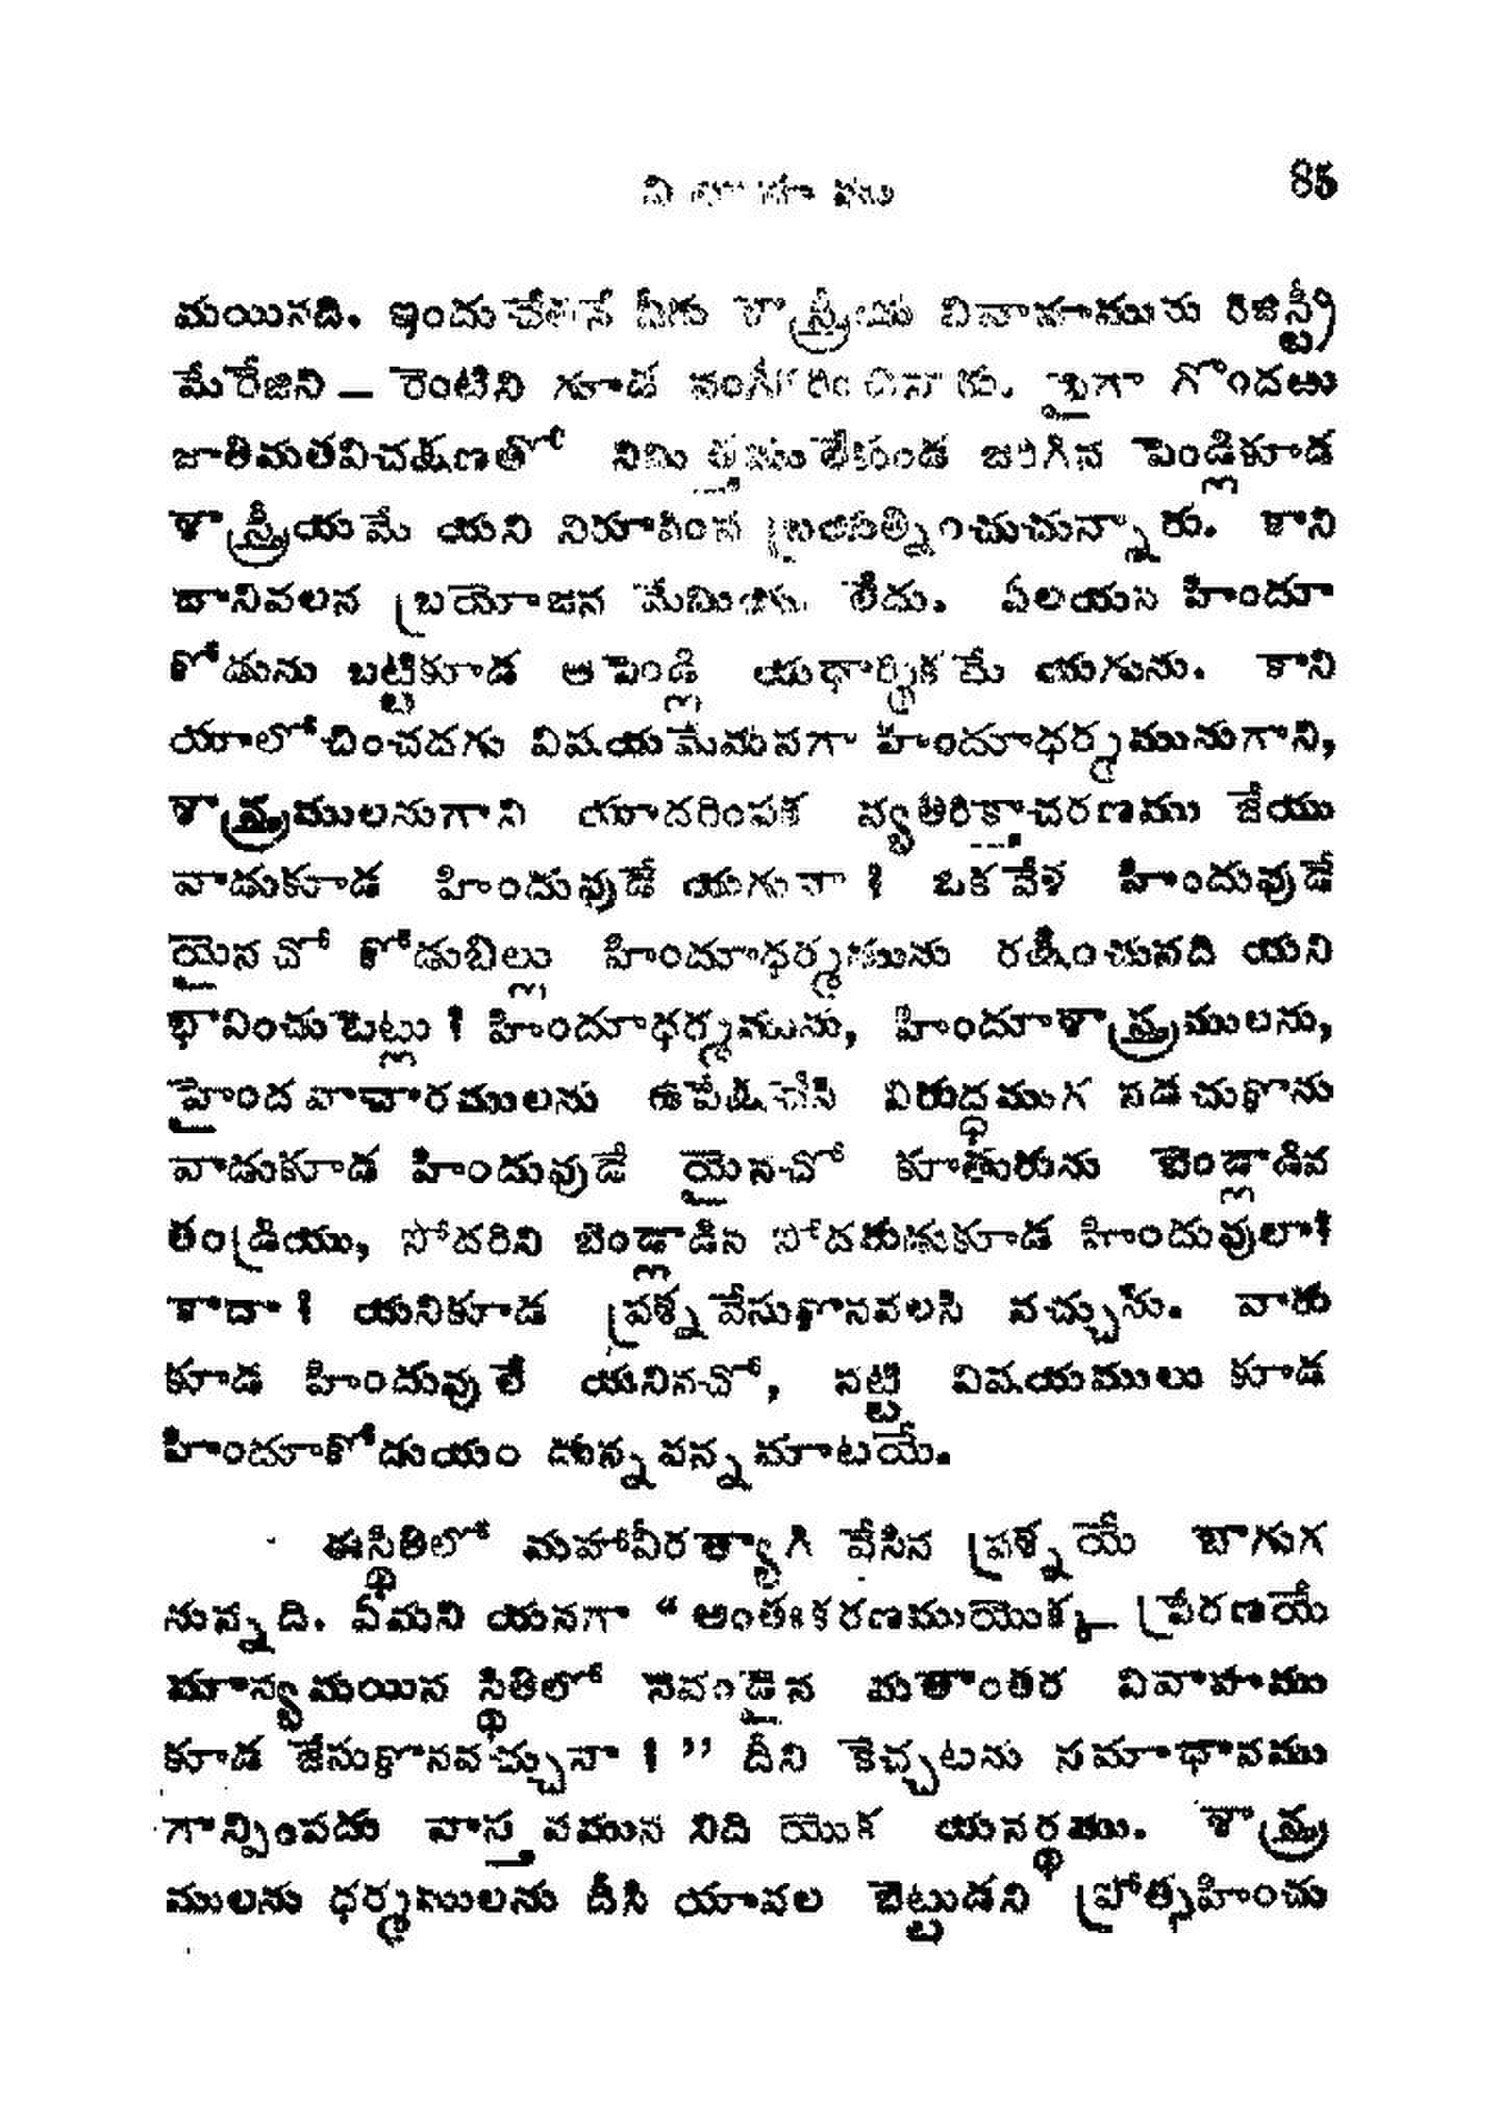మయినది. ఇందుచేతనే వీరు శాస్త్రీయ వివాహమును, రిజిస్ట్రీ 
మేరేజిని — రెంటిని గూడ నంగీకరించినారు. పైగా గొందఱు
జాతిమతవిచక్షణతో నిమిత్తము లేకుండ జరిగిన పెండ్లికూడ
శాస్త్రీయమే యని నిరూపింప బ్రయత్నించుచున్నారు. కాని 
దానివలన బ్రయోజన మేమియు లేదు. ఏలయని హిందూ
కోడును బట్టికూడ ఆ పెండ్లి యధార్మికమే యగును.
యాలోచించదగు విషయమేమనగా హిందూధర్మమునుగాని,
శాస్త్రములనుగాని యాదరింపక వ్యతిరిక్తాచరణము జేయు
వాడుకూడ హిందువుడే యగునా? ఒకవేళ హిందువుడే
యైనచో కోడుబిల్లు హిందూధర్మమును రక్షించునది యని
భావించు టెట్లు ? హిందూధర్మమును, హిందూ శాస్త్రములను,
హైందవాచారములను ఉపేక్ష చేసి విరుద్ధముగ నడుచుకొను
వాడుకూడ హిందువుడే యైనచో కూతురును బెండ్లాడిన
తండ్రియు, సోదరిని బెండ్లాడిని సోదరుడుకూడ హిందువులా?
కాదా ? యనికూడ ప్రశ్న వేసుకొనవలసి వచ్చును. వారు
కూడ హిందువులే యనినచో, నట్టి విషయములు కూడ
హిందూకోడుయందున్న వన్న మాటయే.

ఈస్థితిలో మహావీరత్యాగి వేసిన ప్రశ్నయే బాగుగ 
నున్నది. ఏమని యనగా " అంతఃకరణముయొక్క ప్రేరణయే
మాన్యమయిన స్థితిలో నెవడైన మతాంతర వివాహము
కూడ జేసుకొనవచ్చునా ? " దీని కేచ్చటను సమాధానము
గాన్పింపదు వాస్తవమున నిది యొక యనర్థము.
శాస్త్ర
ములను ధర్మములను దీసి యావల బెట్టుడని ప్రోత్సహించు